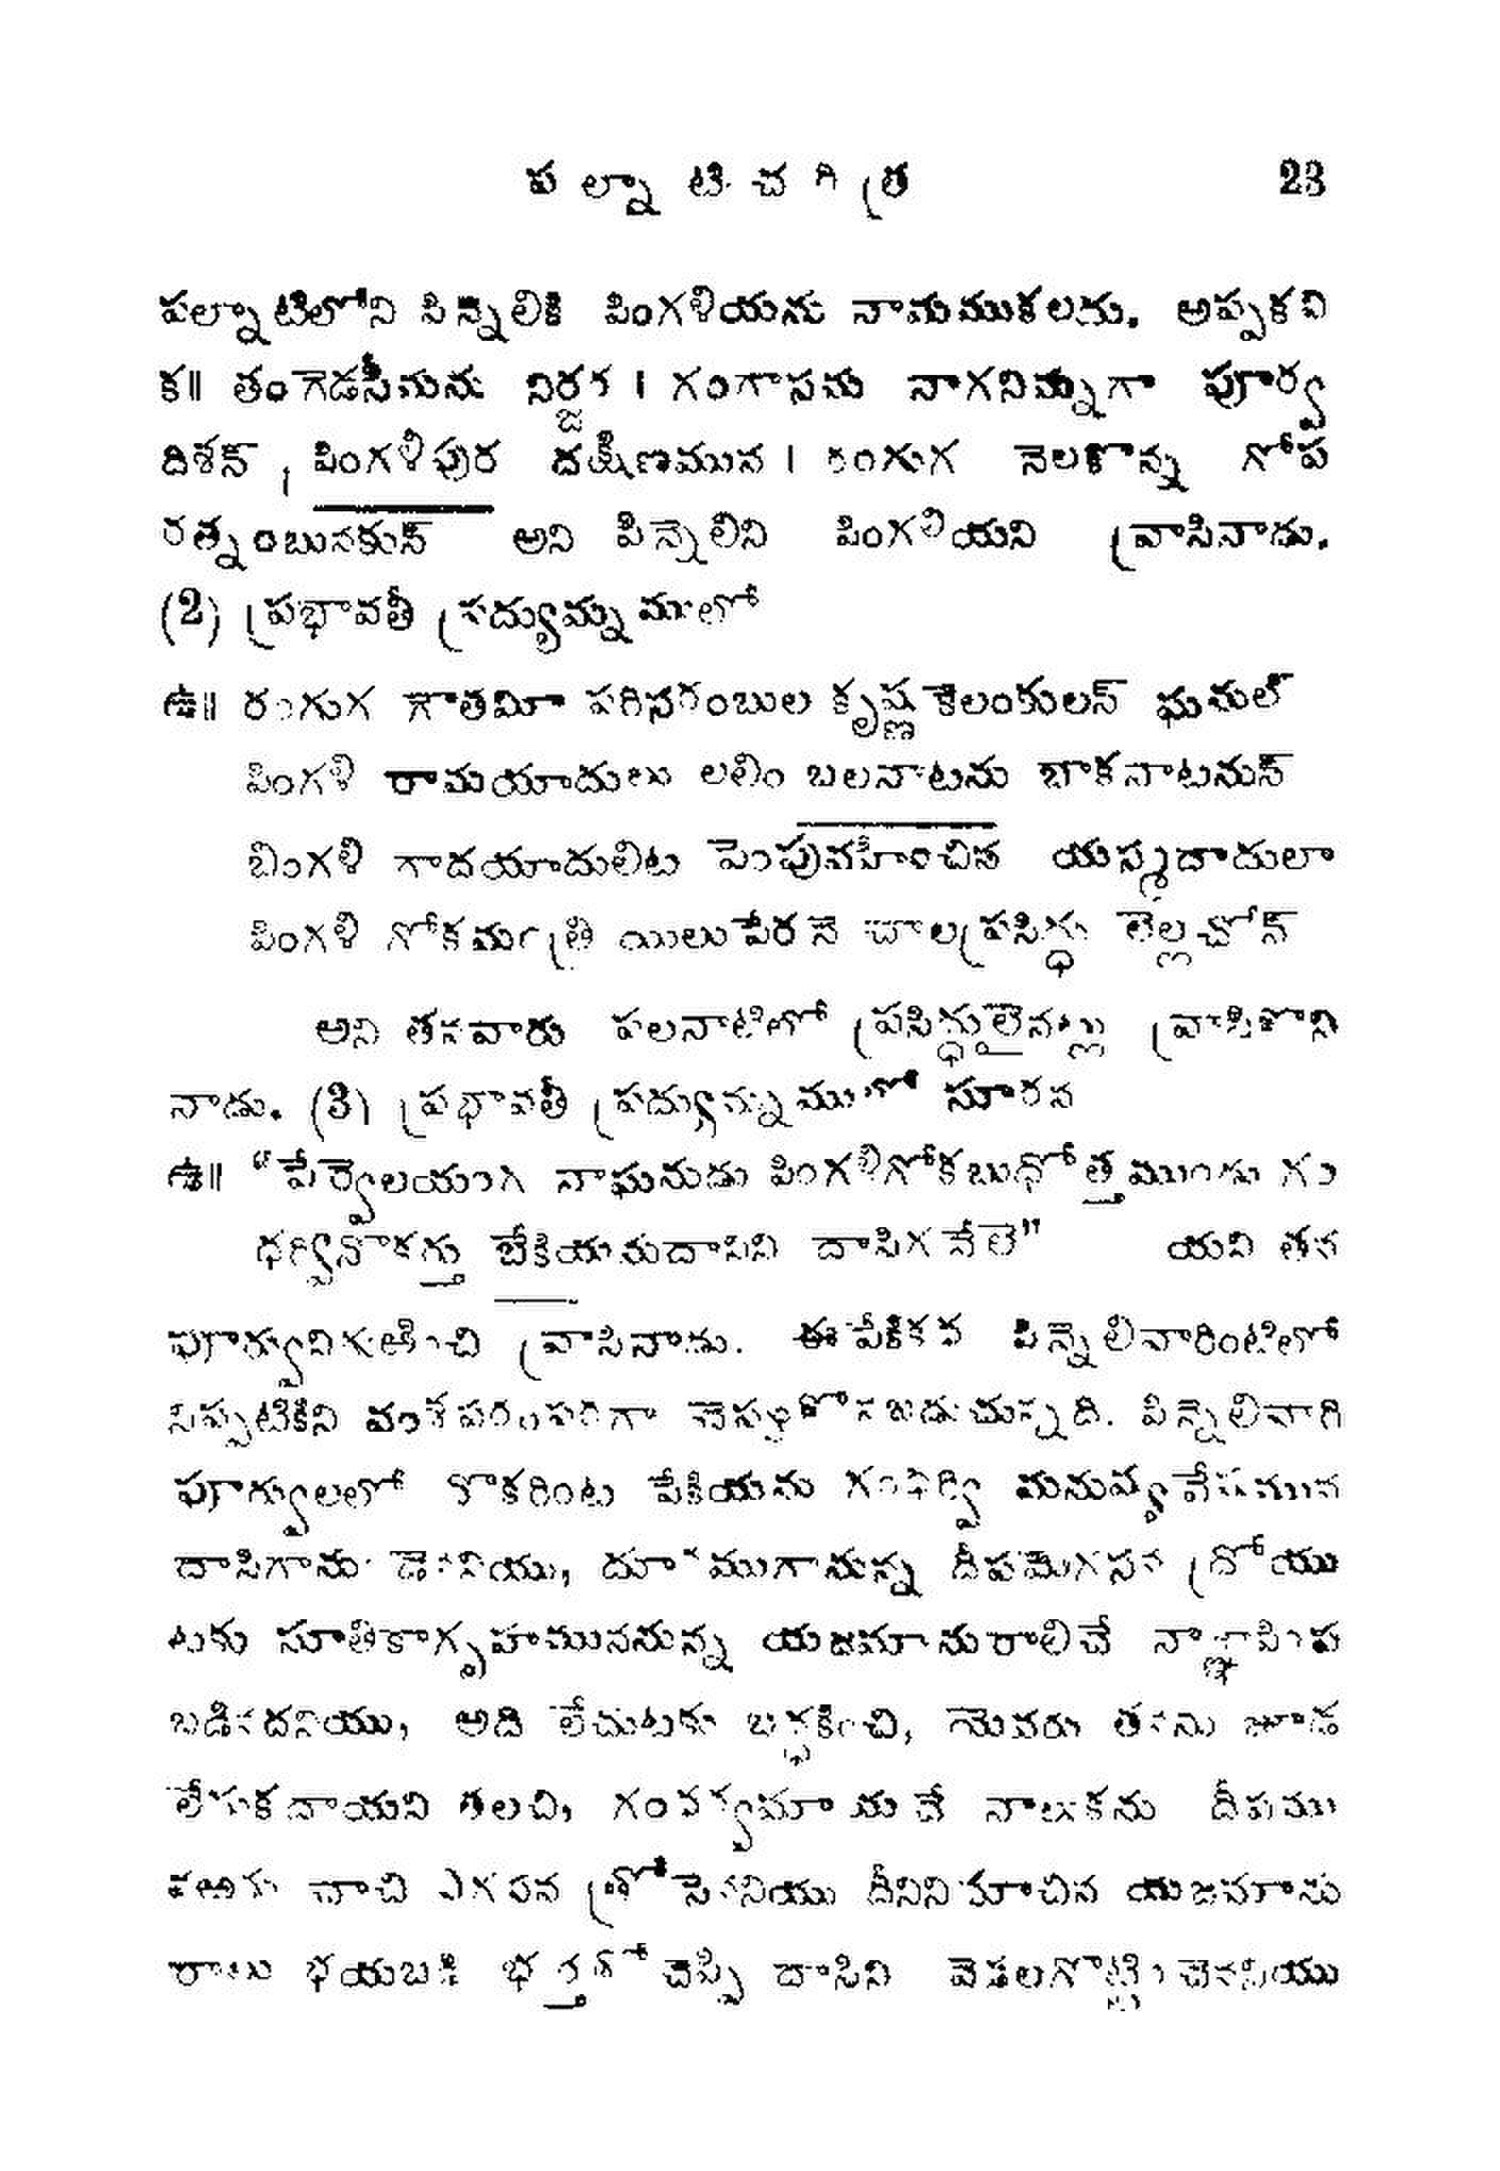పల్నాటిలోని పిన్నిలికి పింగళియను నామముకలదు. అప్పకవి

క. తంగెడసీమను నిర్జర 
 గంగాసమ నాగనిమ్నగా పూర్వదిశన్, 
 పింగళిపుర దక్షిణమున 
 రంగుగ నెలకొన్న గోపరత్నంబునకున్ 

అని పిన్నెలిని పింగలియని వ్రాసినాడు.

(2) ప్రభావతీ ప్రద్యుమ్నములో

ఉ. రంగుగ గౌతమీ పరిసరంబుల కృష్ణకెలంకులన్ ఘనుల్
 పింగళి రామయాదులు లలిం బలనాటను బాకనాటనున్ 
 బింగళి గాదయాదులిట పెంపు వహించిన యస్మదాదులా
 పింగళి గోకమంత్రి యిలు పేరనె చాల ప్రసిద్ధ లెల్లచోన్
 
అని తనవారు పలనాటిలో ప్రసిద్ధులైనట్లు వ్రాసికొనినాడు. 

(3) ప్రభావతీ ప్రద్యుమ్నములో సూరన 

ఉ. పేర్వెలయంగ నాఘనుడు పింగళి గోకబుధోత్తముండు గం
 ధర్వినొకర్తు బేకియనుదానిని దాసిగనేలె"
 
యని తనపూర్వుని గుఱించి వ్రాసినాడు. ఈపేకికథ పిన్నెలివారింటిలో
నిప్పటికిని వంశ పరంపరగా చెప్పుకొనబడుచున్నది. పిన్నెలివారి
పూర్వులలో కొకరింట పేకియను గంధర్వి మనుష్యవేషమున
దాసిగానుండెననియు, దూరముగా నున్న దీపమెగసన ద్రోయు
టకు సూతికాగృహముననున్న యజమానురాలిచే నాజ్ఞాపింప 
బడినదనియు, అది లేచుటకు బద్దకించి, యెవరు తనను జూడ
లేపకదాయని తలచి, గంధర్వ మాయచే నాలుకను దీపము
వఱకు నాచి ఎగఫన త్రోసెననియు దీనిని చూచిన యజమాను
రాలు భయపడి భర్తలో చెప్పి దాసిని వెడలగొట్టించెననియు